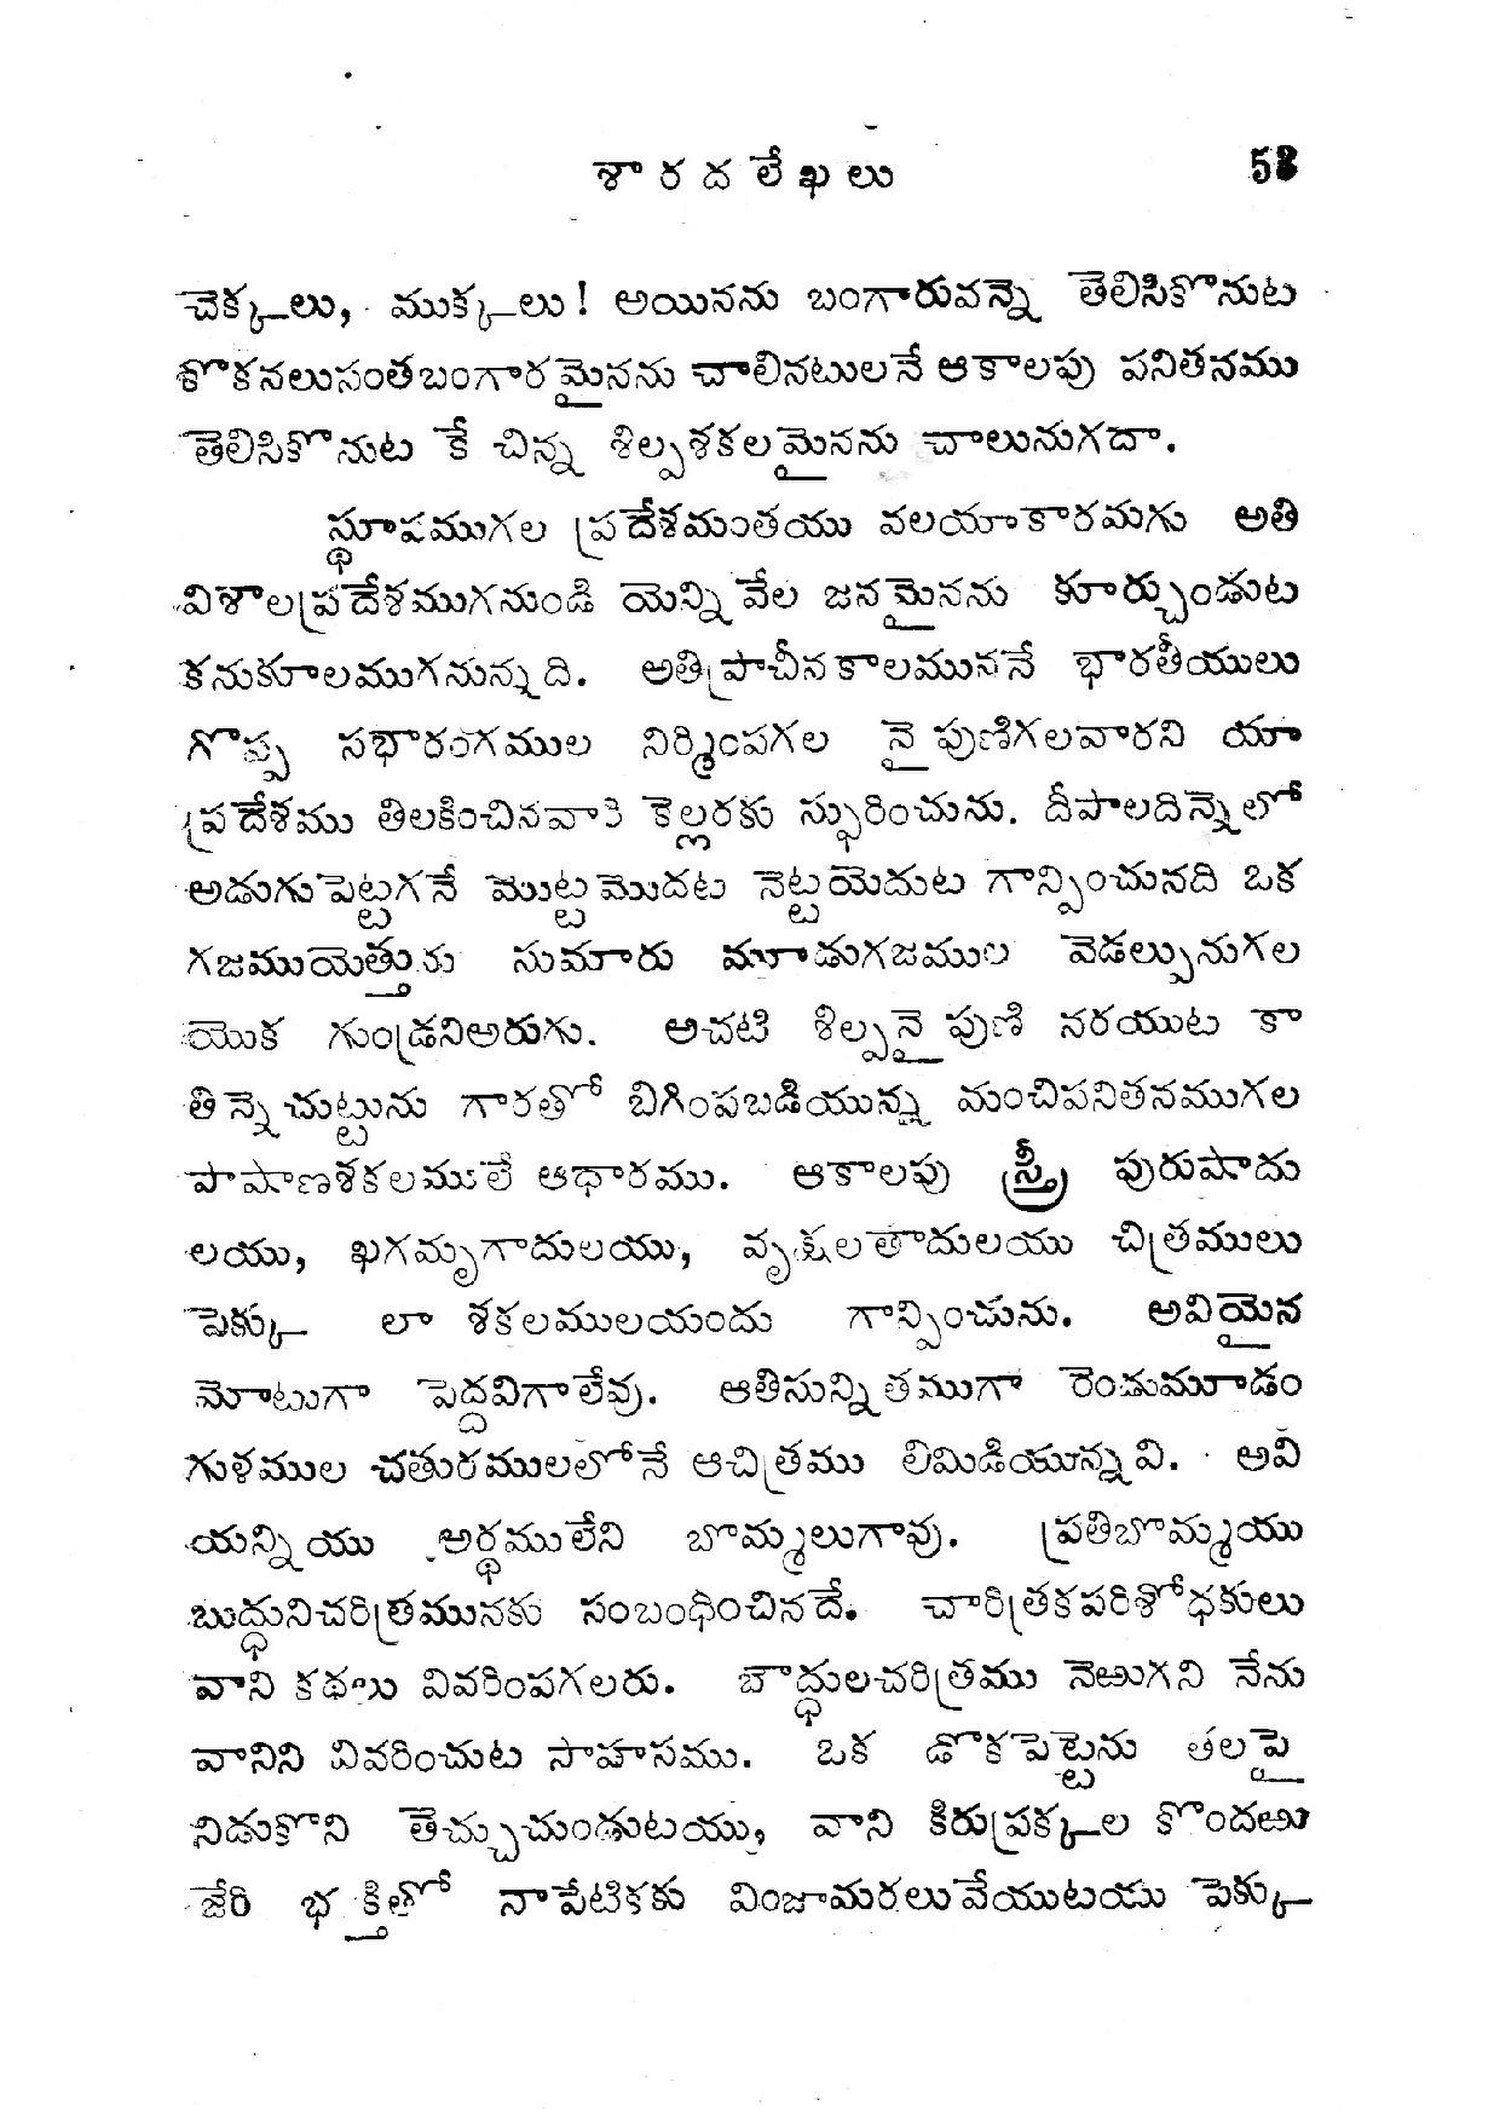చెక్కలు, ముక్కలు! అయినను బంగారువన్నె తెలిసికొనుట
కొకనలుసంతబంగారమైనను చాలినటులనే ఆకాలపు పనితనము
తెలిసికొనుట కే చిన్న శిల్పశకలమైనను చాలునుగదా.

స్థూపముగల ప్రదేశముతయు వలయాకారమగు అతి
విశాలప్రదేశముగనుండి యెన్నివేల జనమైనను కూర్చుండుట
కనుకూలముగనున్నది. అతిప్రాచీన కాలముననే భారతీయులు
గొప్ప సభారంగముల నిర్మింపగల నై పుణిగలవారని యా
ప్రదేశము తిలకించినవారికి కెల్లరకు స్ఫురించును. దీపాలదిన్నెలో
అడుగుపెట్టగనే మొట్టమొదట నెట్టయెదుట గాన్పించునది ఒక
గజముయెత్తుకు సుమారు మూడుగజముల వెడల్పునుగల
యొక గుండ్రనిఅరుగు. అచటి శిల్పనై పుణి నరయుట కా
తిన్నె చుట్టును గారతో బిగింపబడియున్న మంచిపనితనముగల
పాషాణశకలములే ఆధారము. ఆకాలపు స్త్రీ పురుషాదు
లయు, ఖగమృగాదులయు, వృక్షలతాదులయు చిత్రములు
పెక్కు లా శకలములయందు గాన్పించును. అవియైన
మోటుగా పెద్దవిగాలేవు. ఆతిసున్నితముగా రెండుమూడం
గుళముల చతురములలోనే ఆచిత్రము లిమిడియున్నవి. అవి
యన్నియు అర్థములేని బొమ్మలుగావు. ప్రతిబొమ్మయు
బుద్ధునిచరిత్రమునకు సంబంధించినదే. చారిత్రకపరిశోధకులు
వాని కథలు వివరింపగలరు. బౌద్ధులచరిత్రము నెఱుగని నేను
వానిని వివరించుట సాహసము. ఒక డొకపెట్టెను తలపై
తలపై నిడుకొని తెచ్చుచుండుటయు, వాని కిరుప్రక్కల కొందఱు
జేరి భక్తితో నాపేటికకు వింజామరలువేయుటయు పెక్కు